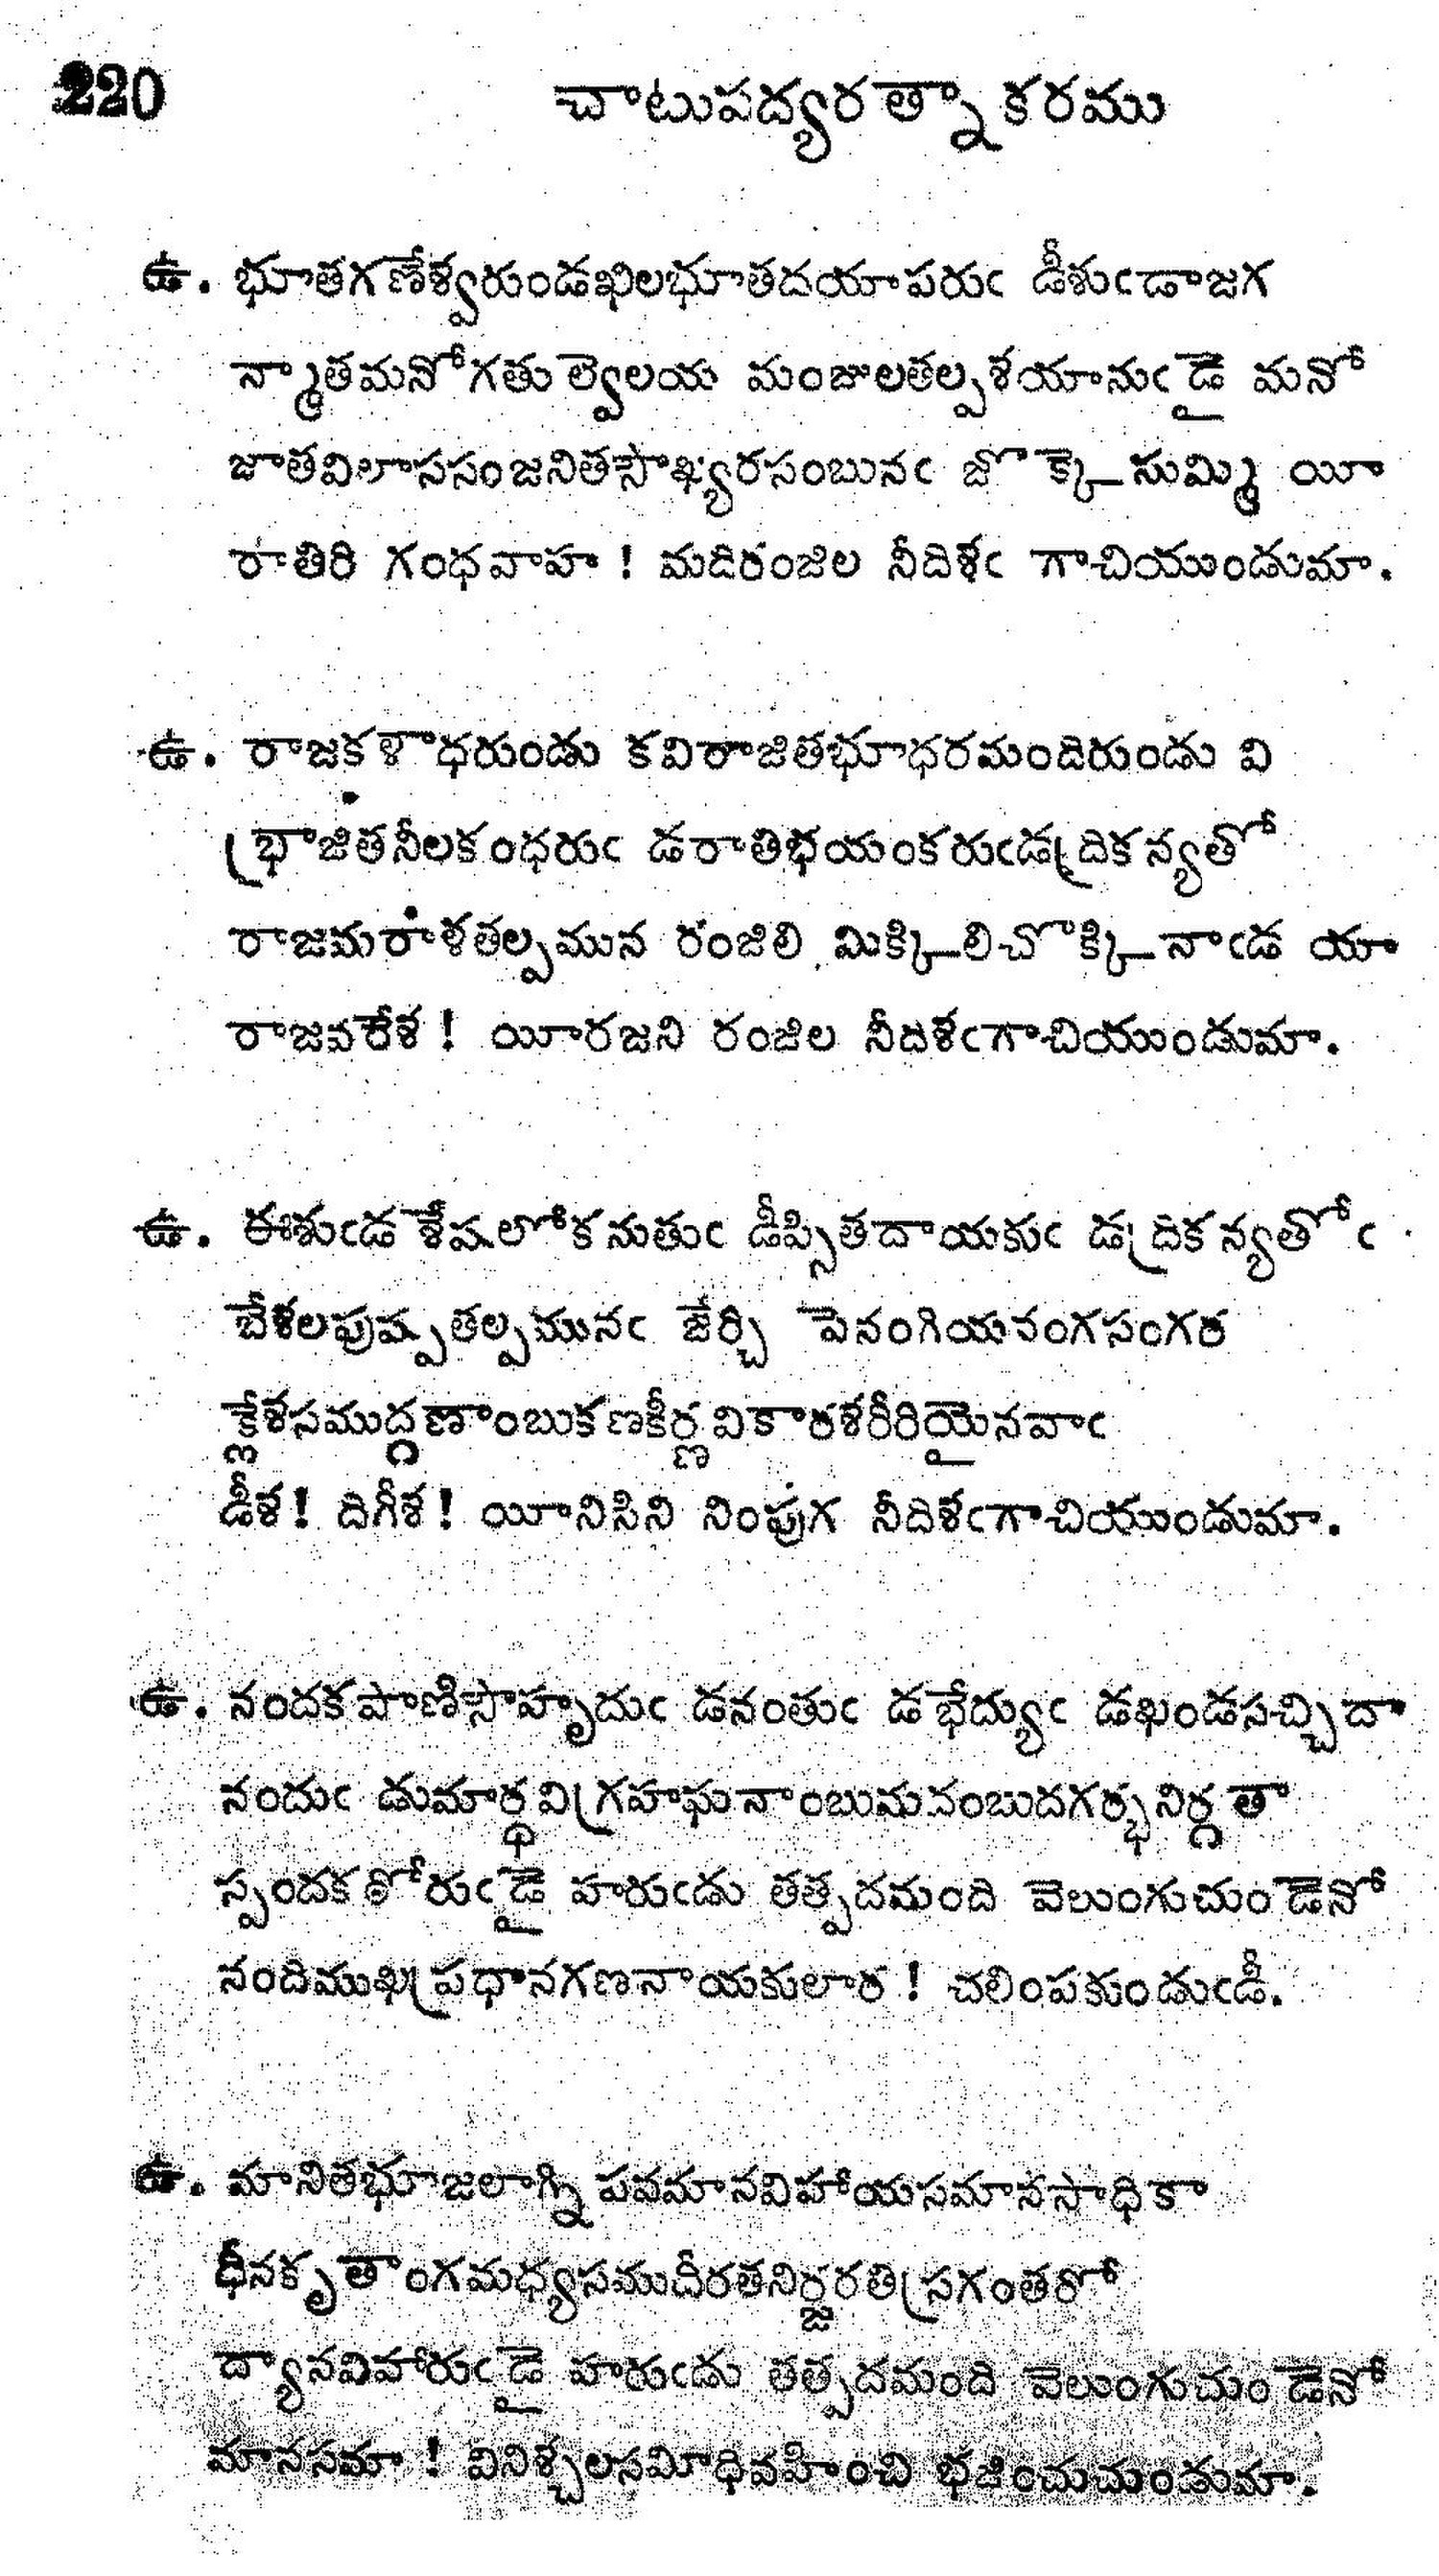ఉ. భూతగణేశ్వరుం డఖిలభూతదయాపరుఁ డీశుఁ డాజగ
 న్మాతమనోగతు ల్వెలయ మంజులతల్పశయానుఁడై మనో
 జాతవిలాససంజనితసౌఖ్యరసంబునఁ జొక్కె సుమ్మి యీ
 రాతిరి గంధవాహ! మదిరంజిల నీదిశఁ గాచియుండుమా.

ఉ. రాజకళాధరుండు కవిరాజితభూధరమందిరుండు వి
 భ్రాజితనీలకంధరుఁ డరాతిభయంకరుఁ డద్రికన్యతో
 రాజమరాళతల్పమున రంజిలి మిక్కిలి చొక్కినాఁడ యా
 రాజవరేశ! యీరజని రంజిల నీదశఁ గాచియుండుమా.

ఉ. ఈశుఁ డశేషలోకనుతుఁ డీప్సితిదాయకుఁ డద్రికన్యతోఁ
 బేశలపుష్పతల్పునఁ జేర్చి పెనంగి యనంగసంగర
 క్లేశసముద్గణాంబుకణకీర్ణవికారశరీరియైనవాఁ
 డీశ! దిగీశ! యీనిసిని నింపుగ నీదిశఁ గాచియుండుమా.

ఉ. నందకపాణిసౌహృదుఁ డనంతుఁ డభేద్యుఁ డఖండసచ్చిదా
 నందుఁ డుమార్ధవిగ్రహఘనాంబుమదంబుదగర్భనిర్గతా
 స్పందకఠోరుఁడై హరుఁడు తత్పదమంది వెలుంగుచుండెనో
 నందిముఖప్రధానగణనాయకులార! చలింపకుండుఁడీ.

ఉ. మానితభూజలాగ్నిపవమానవిహాయసమానసాధికా
 ధీనకృతాంగమధ్యసముదీరతనిర్జరతిస్రగంతరో
 ద్యానవిహారుఁడై హరుఁడు తత్పదమంది వెలుంగుచుండెనో
 మానసమా! వినిశ్చలసమీధి వహించి భజించుచుండుమా.